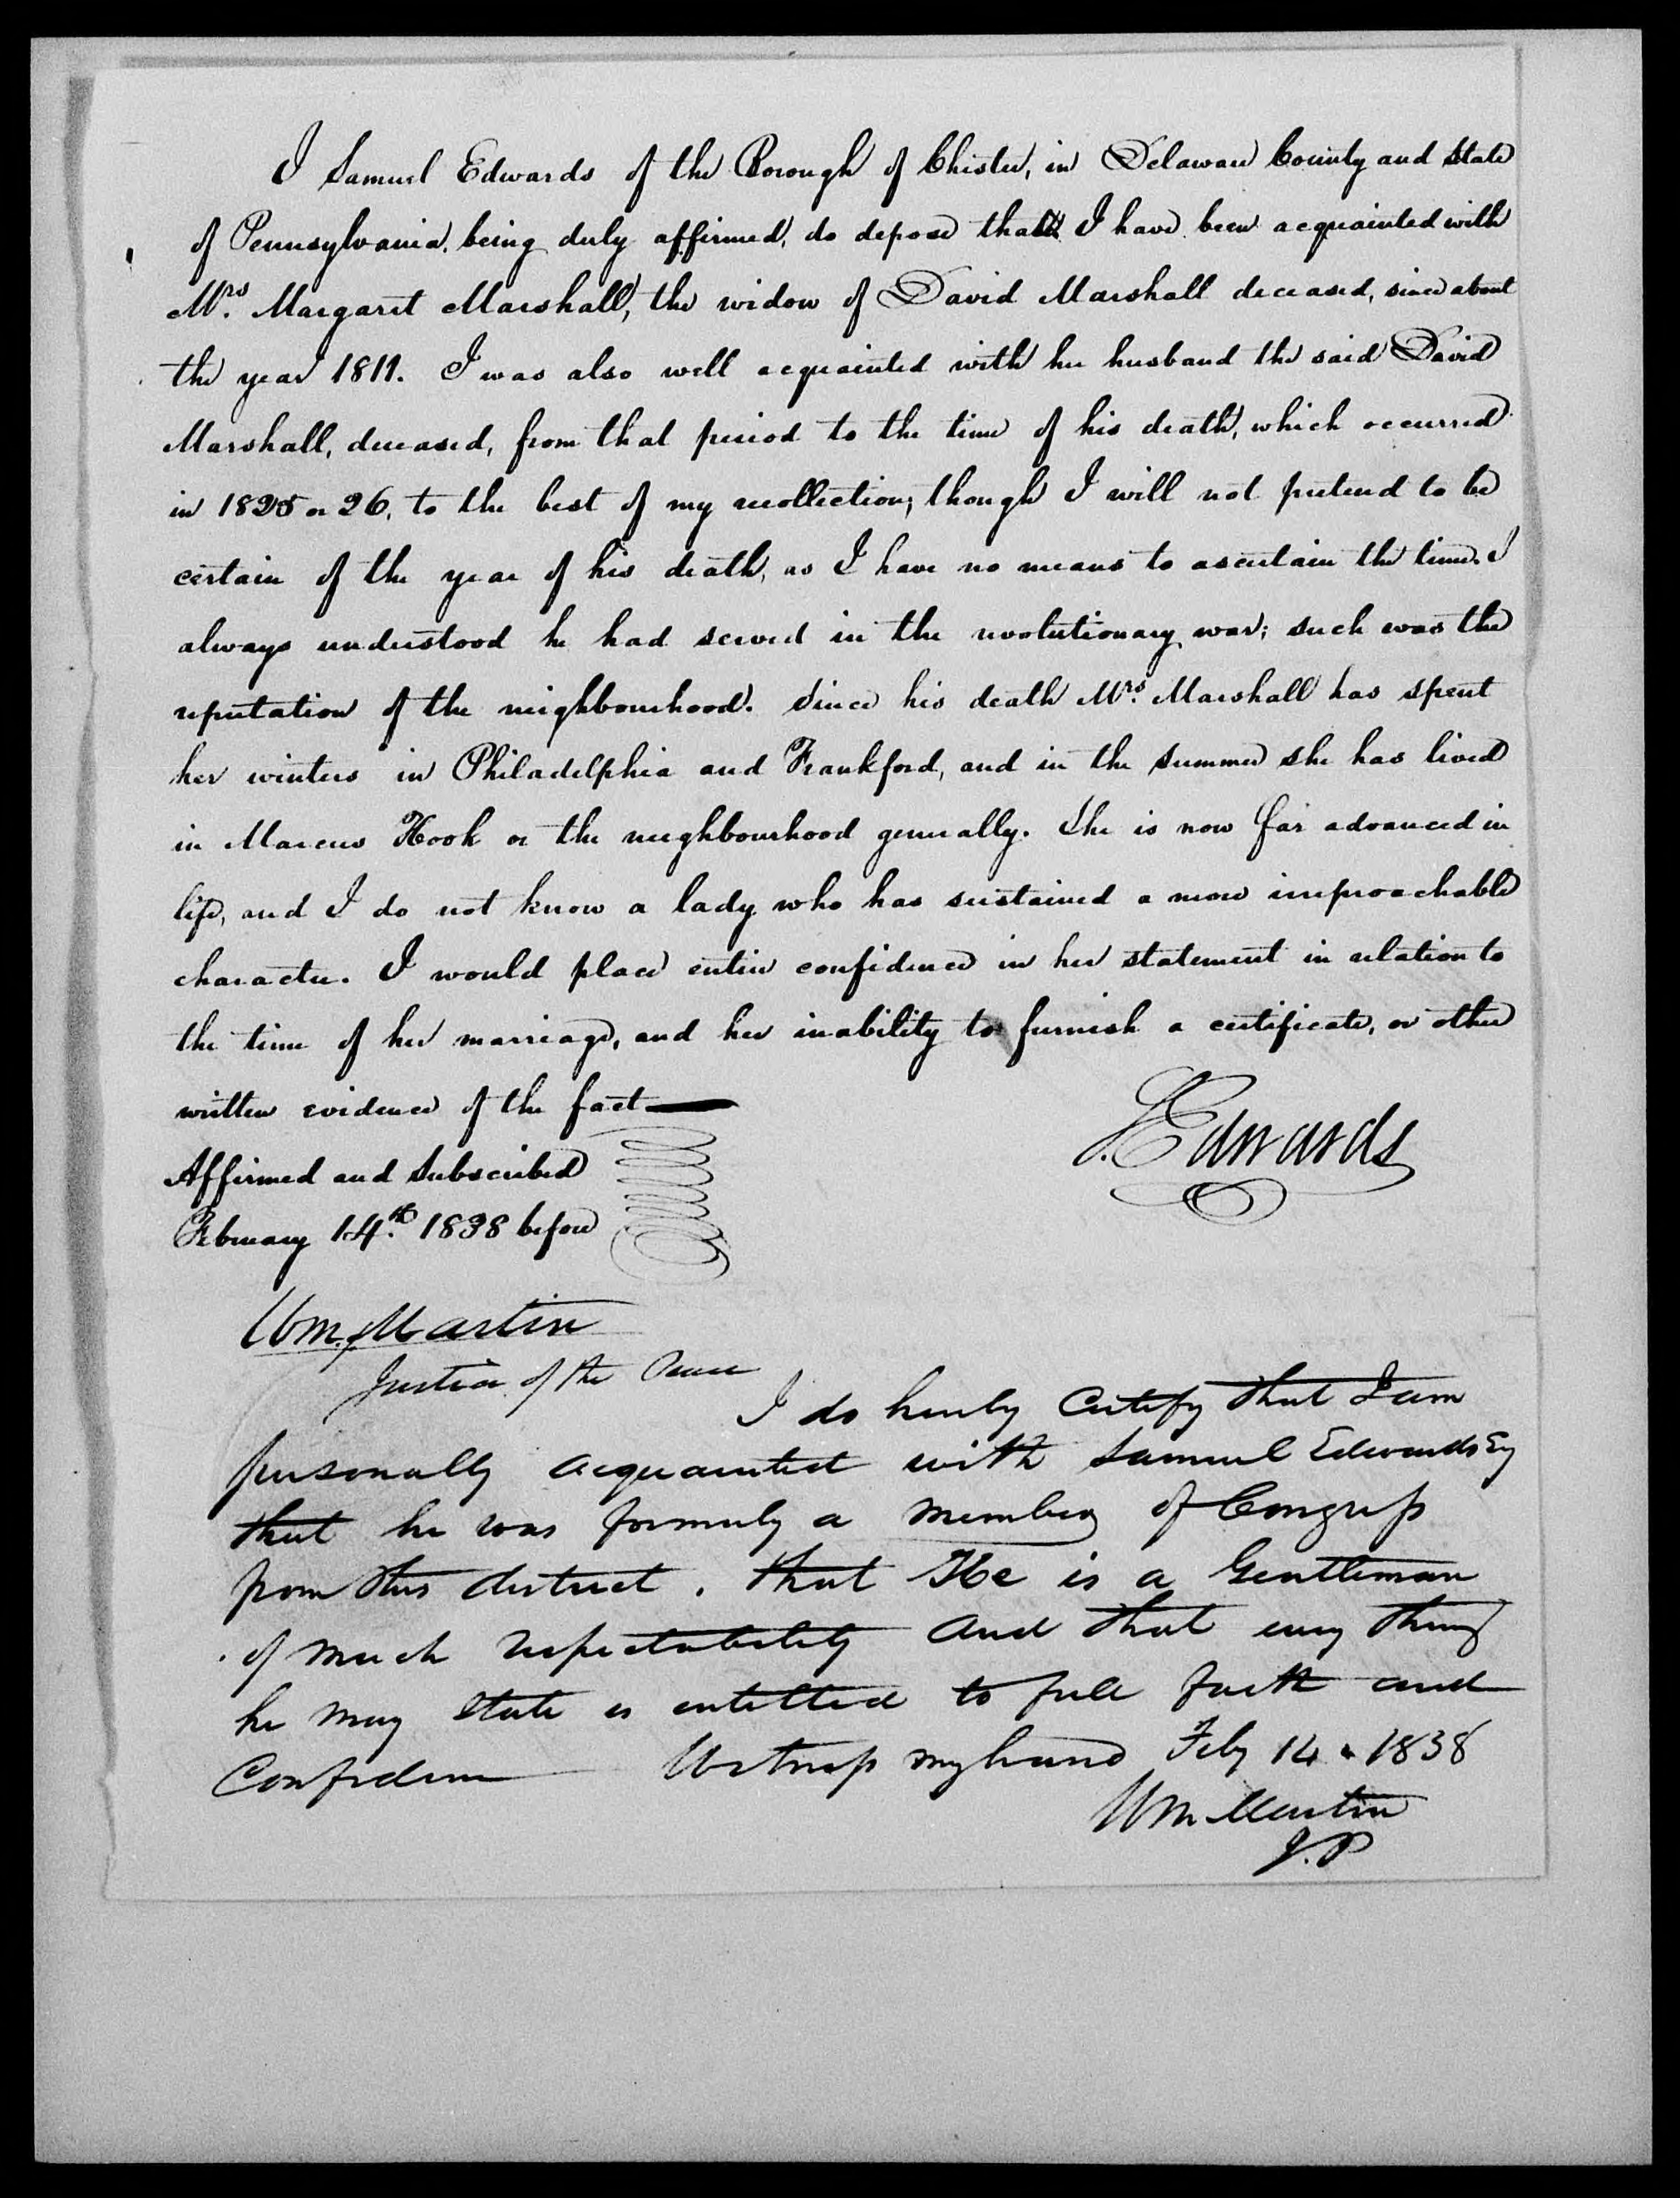I Samuel Edwards of the Borough of Chester, in Delaware County and State of Pennsylvania being duly affirmed do depose that I have been acquainted with Mrs Margaret Marshall, the widow of David Marshall deceased, since about the year 1811. I was also well acquainted with her husband the said David Marshall, deceased, from that period to the time of his death, which occurred in 1825 or 26, to the best of my recollection, though I will not pretend to be certain of the year of his death, as I have no means to ascertain the time. I
always understood he had served in the revolutionary war; such was the reputation of the neighbourhood. Since his death Mrs Marshall has spent her winters in Philadelphia and Frankford, and in the summed she has lived in Marcus Hook or the neighborhood generally. She is now far advanced in life, and I do not know a lady who has sustained a more improachable character. I would place entire confidence in her statement in relation to the time of her marriage, and her inability to  furnish a certificate, or other written evidence of the fact.
Affirmed and subscribed
J Edwards
February 14th 1838 before
Wm. Martin
Justice of the Peace
I do hereby certify that I am personally acquainted with Samuel Edwards by that he was formerly a member of Congress from this district. that He is a Gentleman of much respectability and that every thing he may state is entitled to full faith and confidence Witness my hand
Feby 14. 1838
Wm Martin
J.P.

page: 59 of 86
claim: widow's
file: W. 3571, for David Marshall, Pennsylvania